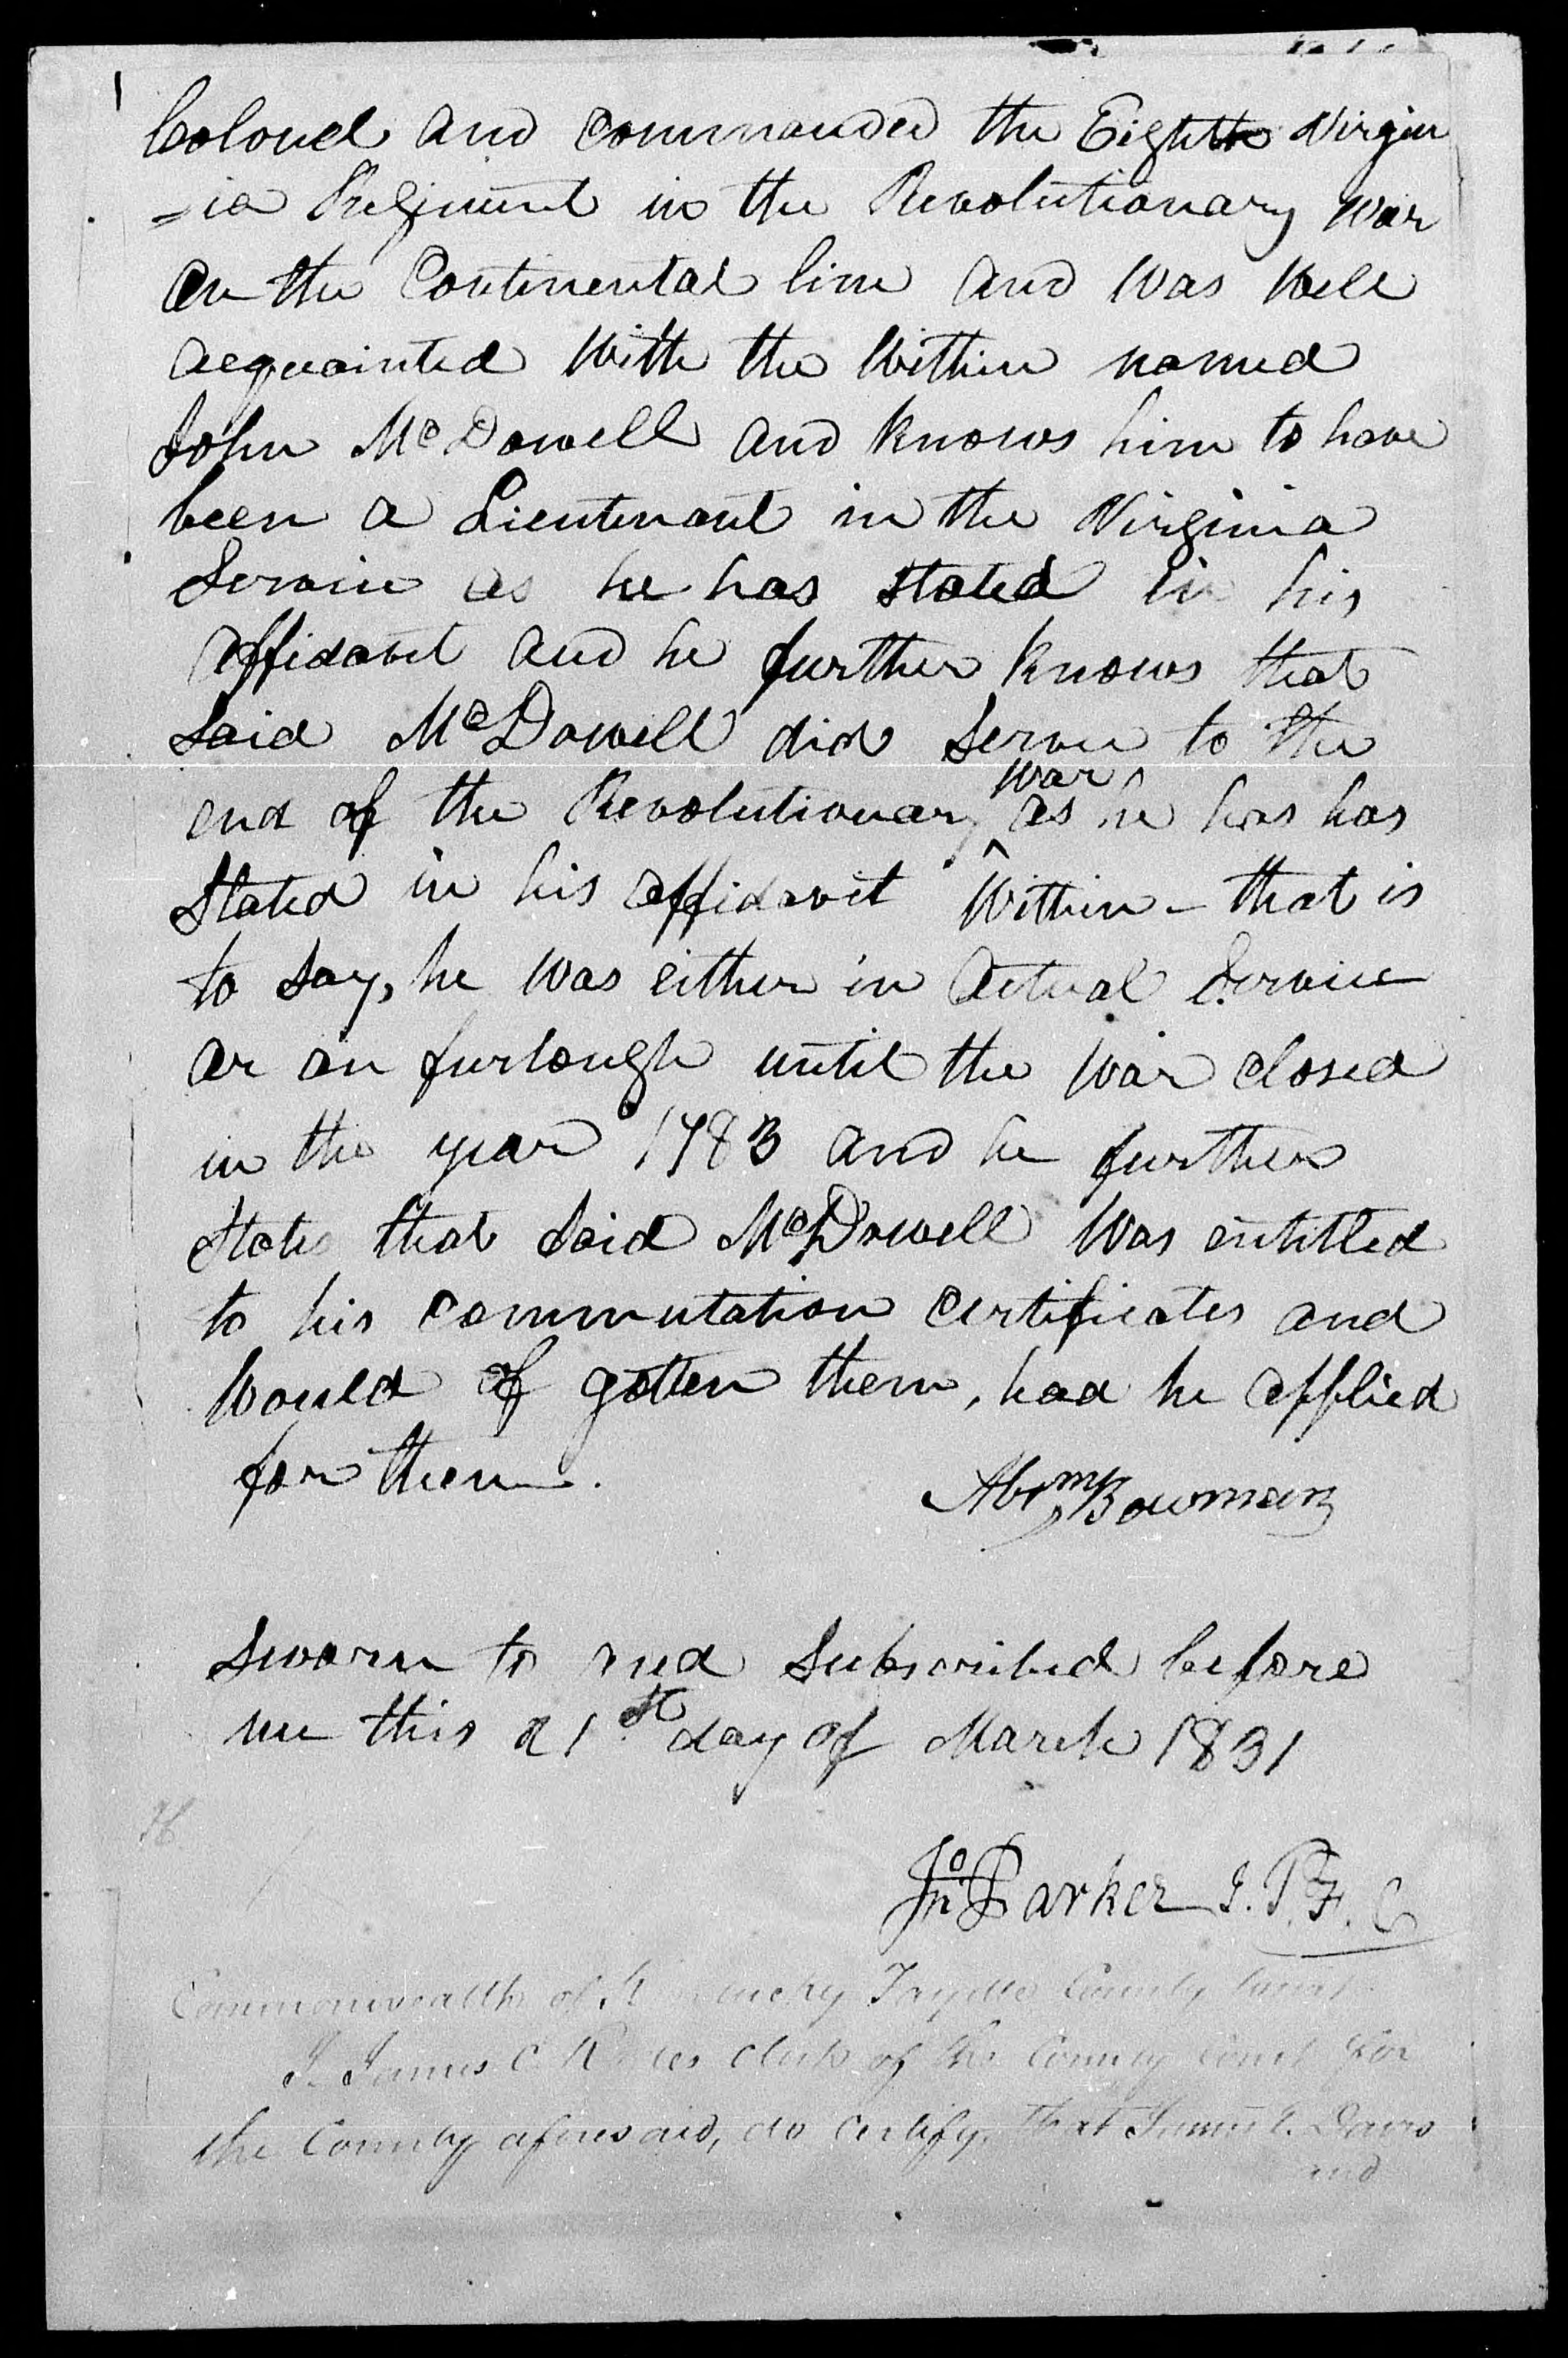Colonel and commanded the Eighth Virginia
Regiment in the Revolutionary War
on the Continental line and was well
acquainted with the within named
John McDowell and knows him to have
been a Lieutenant in the Virginia
Service as he has stated in his
affidavit and he further knows that
said McDowell did serve to the
end of the Revolutionary War as he has 
stated in his affidavit within--that is
to say, he was either in actual service
or on furlough until the war closed
 in the year 1783 and he further
states that said McDowell was entitled
to his commutation certificates and
would of gotten them, had he applied
for them.
(signature of Abrm, Bowman)

Sworn to and subscribed before
us this 1st day of March 1831
(signature of Jn Parker J.P.C.)

Commonwealth of Kentucky Fayette County [illegible]
J. James C. Rodes clerk of the county court for
the county aforesaid, do certify that James [illegible]
and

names: Jno Parker; Abrm Bowman; John Mc Dowell; James C Rodes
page: 9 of 47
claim: survivor's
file: S. 30578, for John Mc Dowell, Virginia